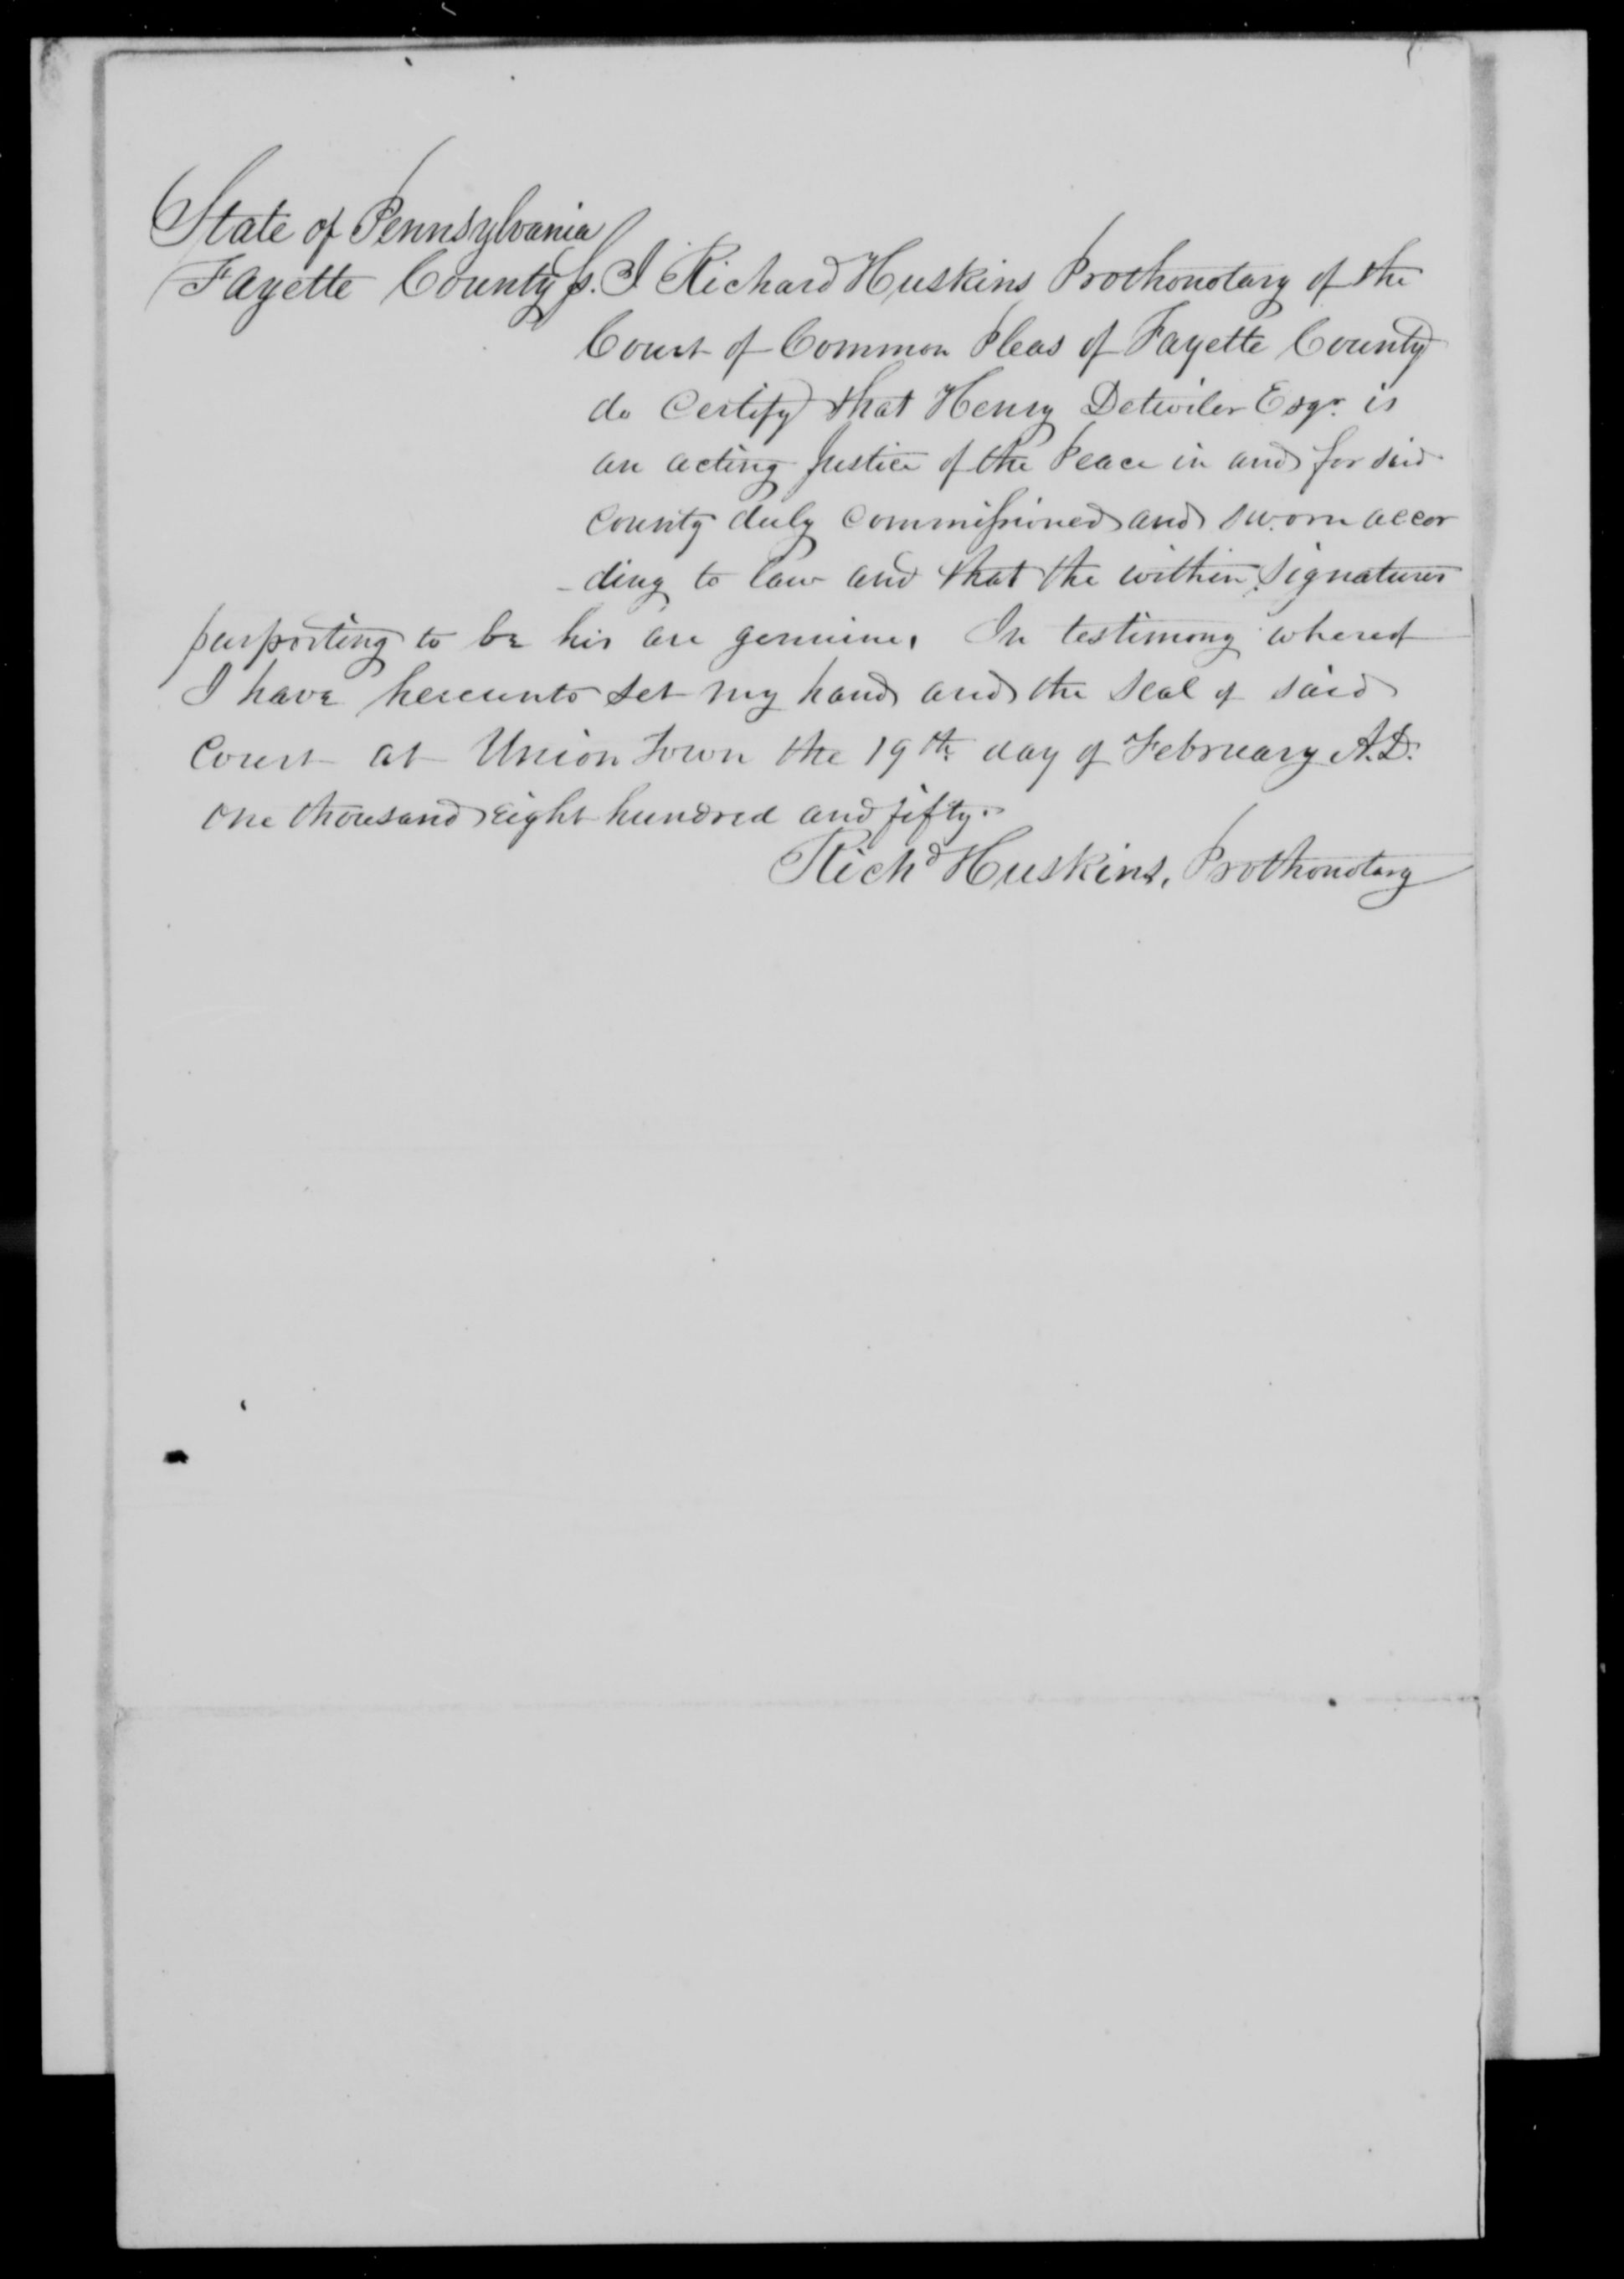State of Pennsylvania
Fayette County

I, Richard Huskins, Prothonotary of the Court of Common Pleas of Fayette County do certify that Henry Detwiler, Esq is an acting Justice of the Peace in and for this County duly commissioned and sworn according to law, and that the witness signatures reporting to be his are genuine. In testimony, whereof I have hereunto set my hand and the seal of said Court at Union Town the 19th day of February A.D. 1850 

Rich Huskins Prothonotary.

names: Richd Huskins; Richard Huskins; Henry Detwiler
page: 71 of 73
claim: widow's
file: W. 3197, for Peter Stillwagon, New Jersey